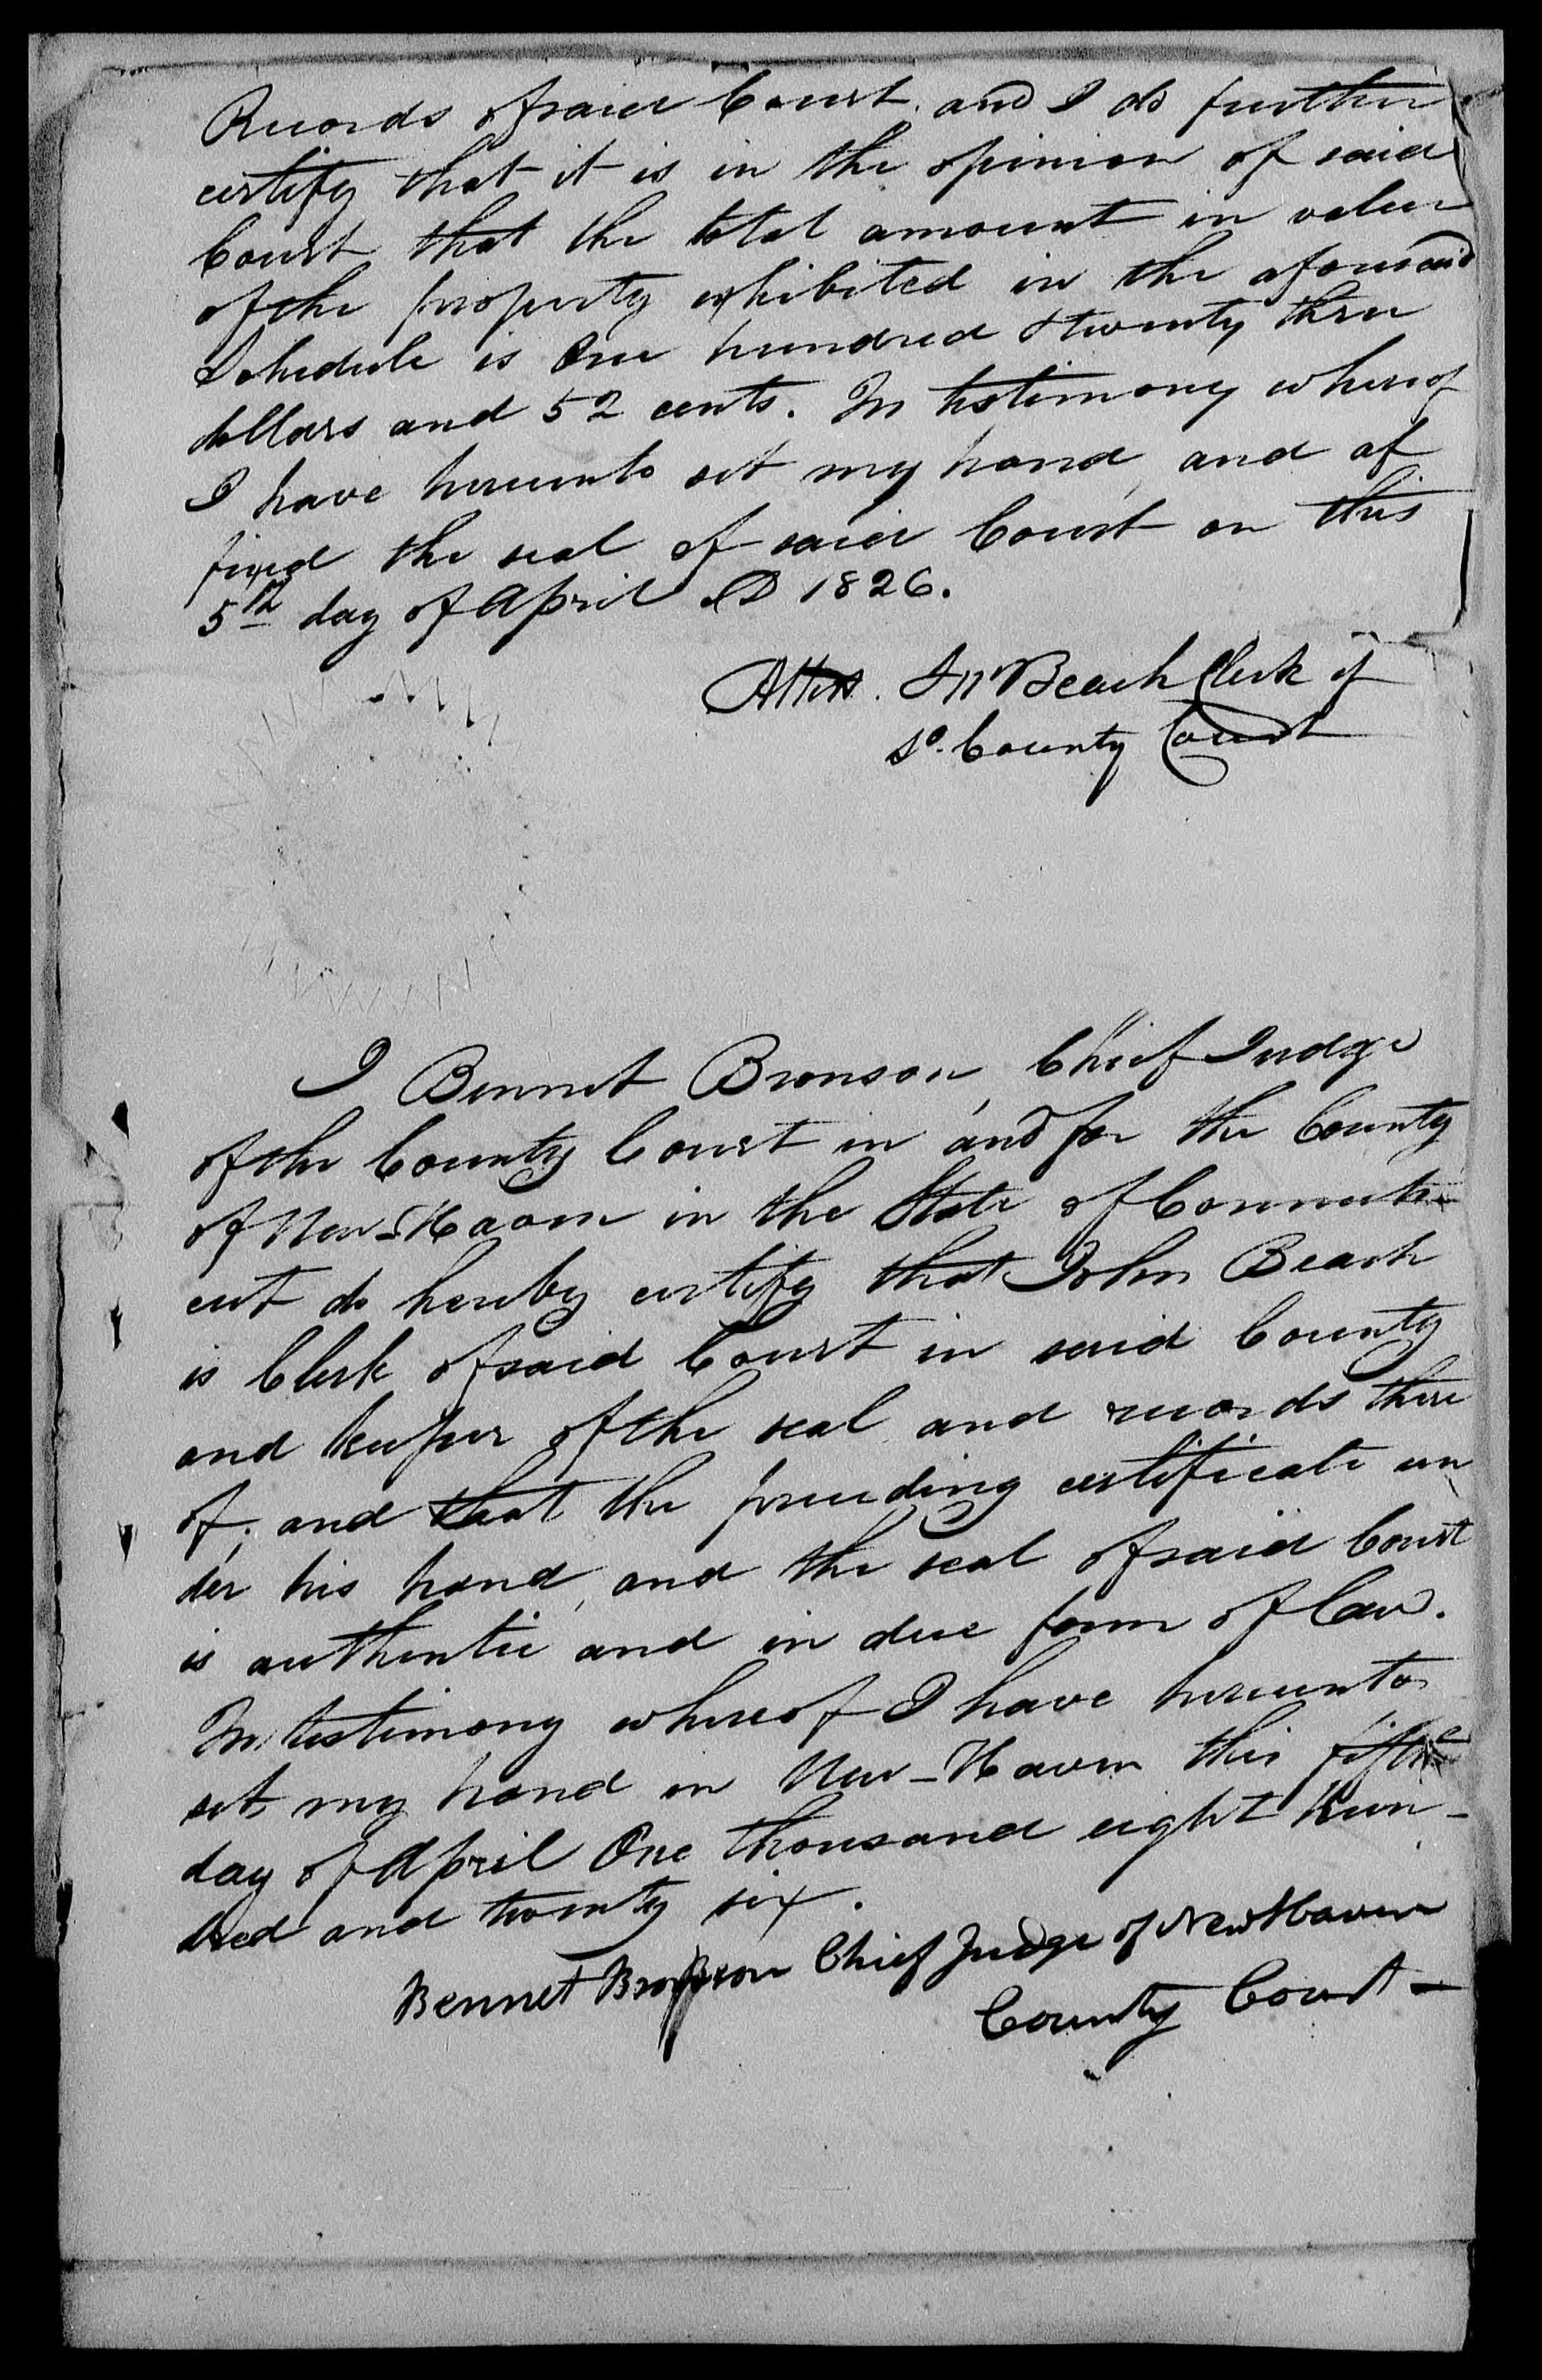Records of said Court and I do further
certify that it is in the opinion of said
Court that the total amount in value
of the property exhibited in the aforesaid
Schedule is one hundred & twenty three
dollars and 52 cents. In testimony whereof
I have hereunto set my hand and affixed the seal of said Court on this 5th day of April AD 1826.

Attest. Jn Beach Clerk of said County Court

I, Bennet Bronson, Chief Judge of the County Court in and for the County of New Haven in the State of Connecticut do hereby certify that John Beach is Clerk of said Court in said County and keeper of the seal and records thereof and that the preceding certificate under his hand, and the seal of said Court
is authentic and in due form of law.
In testimony whereof I have hereunto
set my hand in New Haven this fifth
day of April One thousand eight hundred and twenty six.

Bennet Bronson Chief Judge of New Haven
County Court -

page: 8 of 42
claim: survivor's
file: S. 36,819, for Samuel Stow, Connecticut